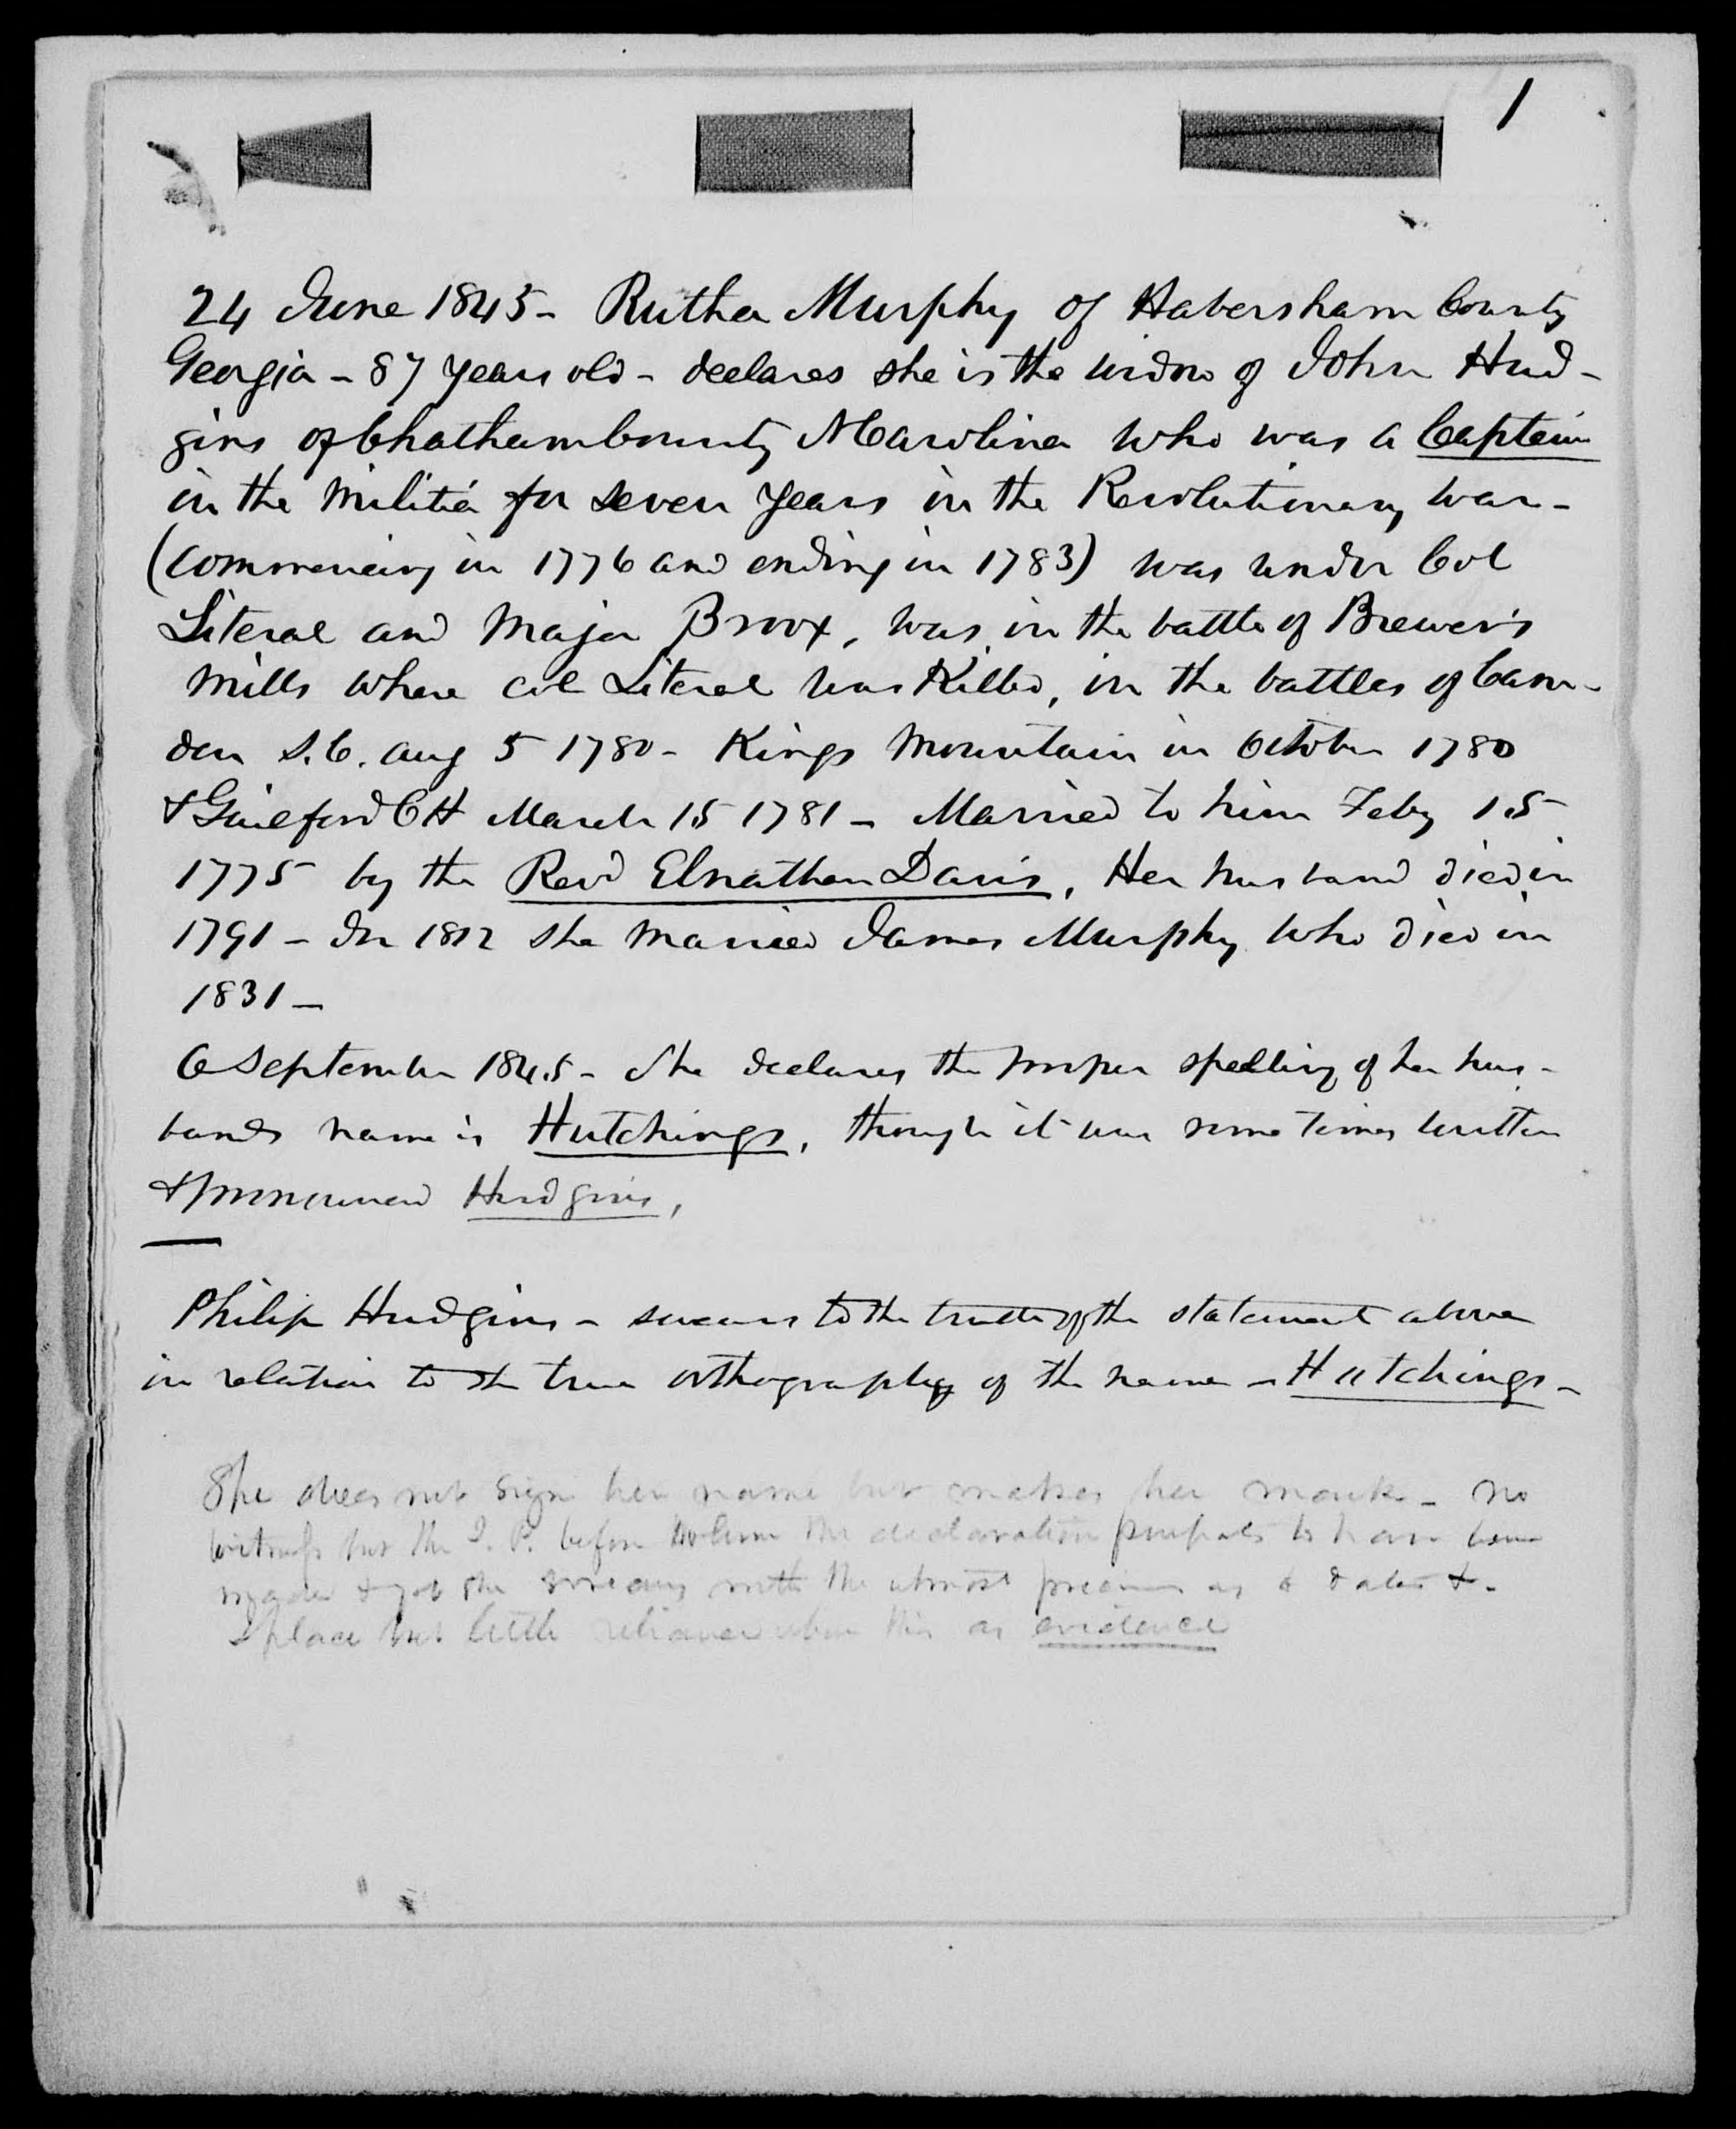24 June 1845 Ruth Murphy of Habersham County Georgia - 87 years old - declares she is the widow of John Hudgins of Chatham County N Carolina who was a Captain in the militia for seven years in the Revolutionary War. (commencing in 1776 and ending in 1783) was under Col. Literal and Major Bronx, was in teh Battle of Brewer's ills where Col. Literal was killed, in the battles of Camden, S.C. Aug 5 1780. Kings Mountain in October 1780 & Guilford C.H. March 15 1781. Married to him Feb 15 1775 by the Rev Elnathan Davis. Her husband died in 1791. In 1812 she married James Murphy who died in 1831.
On September 1845 she declares the proper spilling of her husbands name is Hutchings. Though it was sometimes written & [illegible] Hudgins.
Philip Hudgins swears to the truth of the statement above in relation to the true orthography of the name Hutchings. 

She [illegible] not sign her name but makes her mark. No [illegible] before when the declarative [illegible] to have been [illegible] &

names: Literal, Broox, Philip Hudgins, Elnathan Davis, Rutha Murphy, James Murphy, John Hudgins, Hutchings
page: 51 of 108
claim: rejected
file: R. 7,515, John Hudgins, N.C.